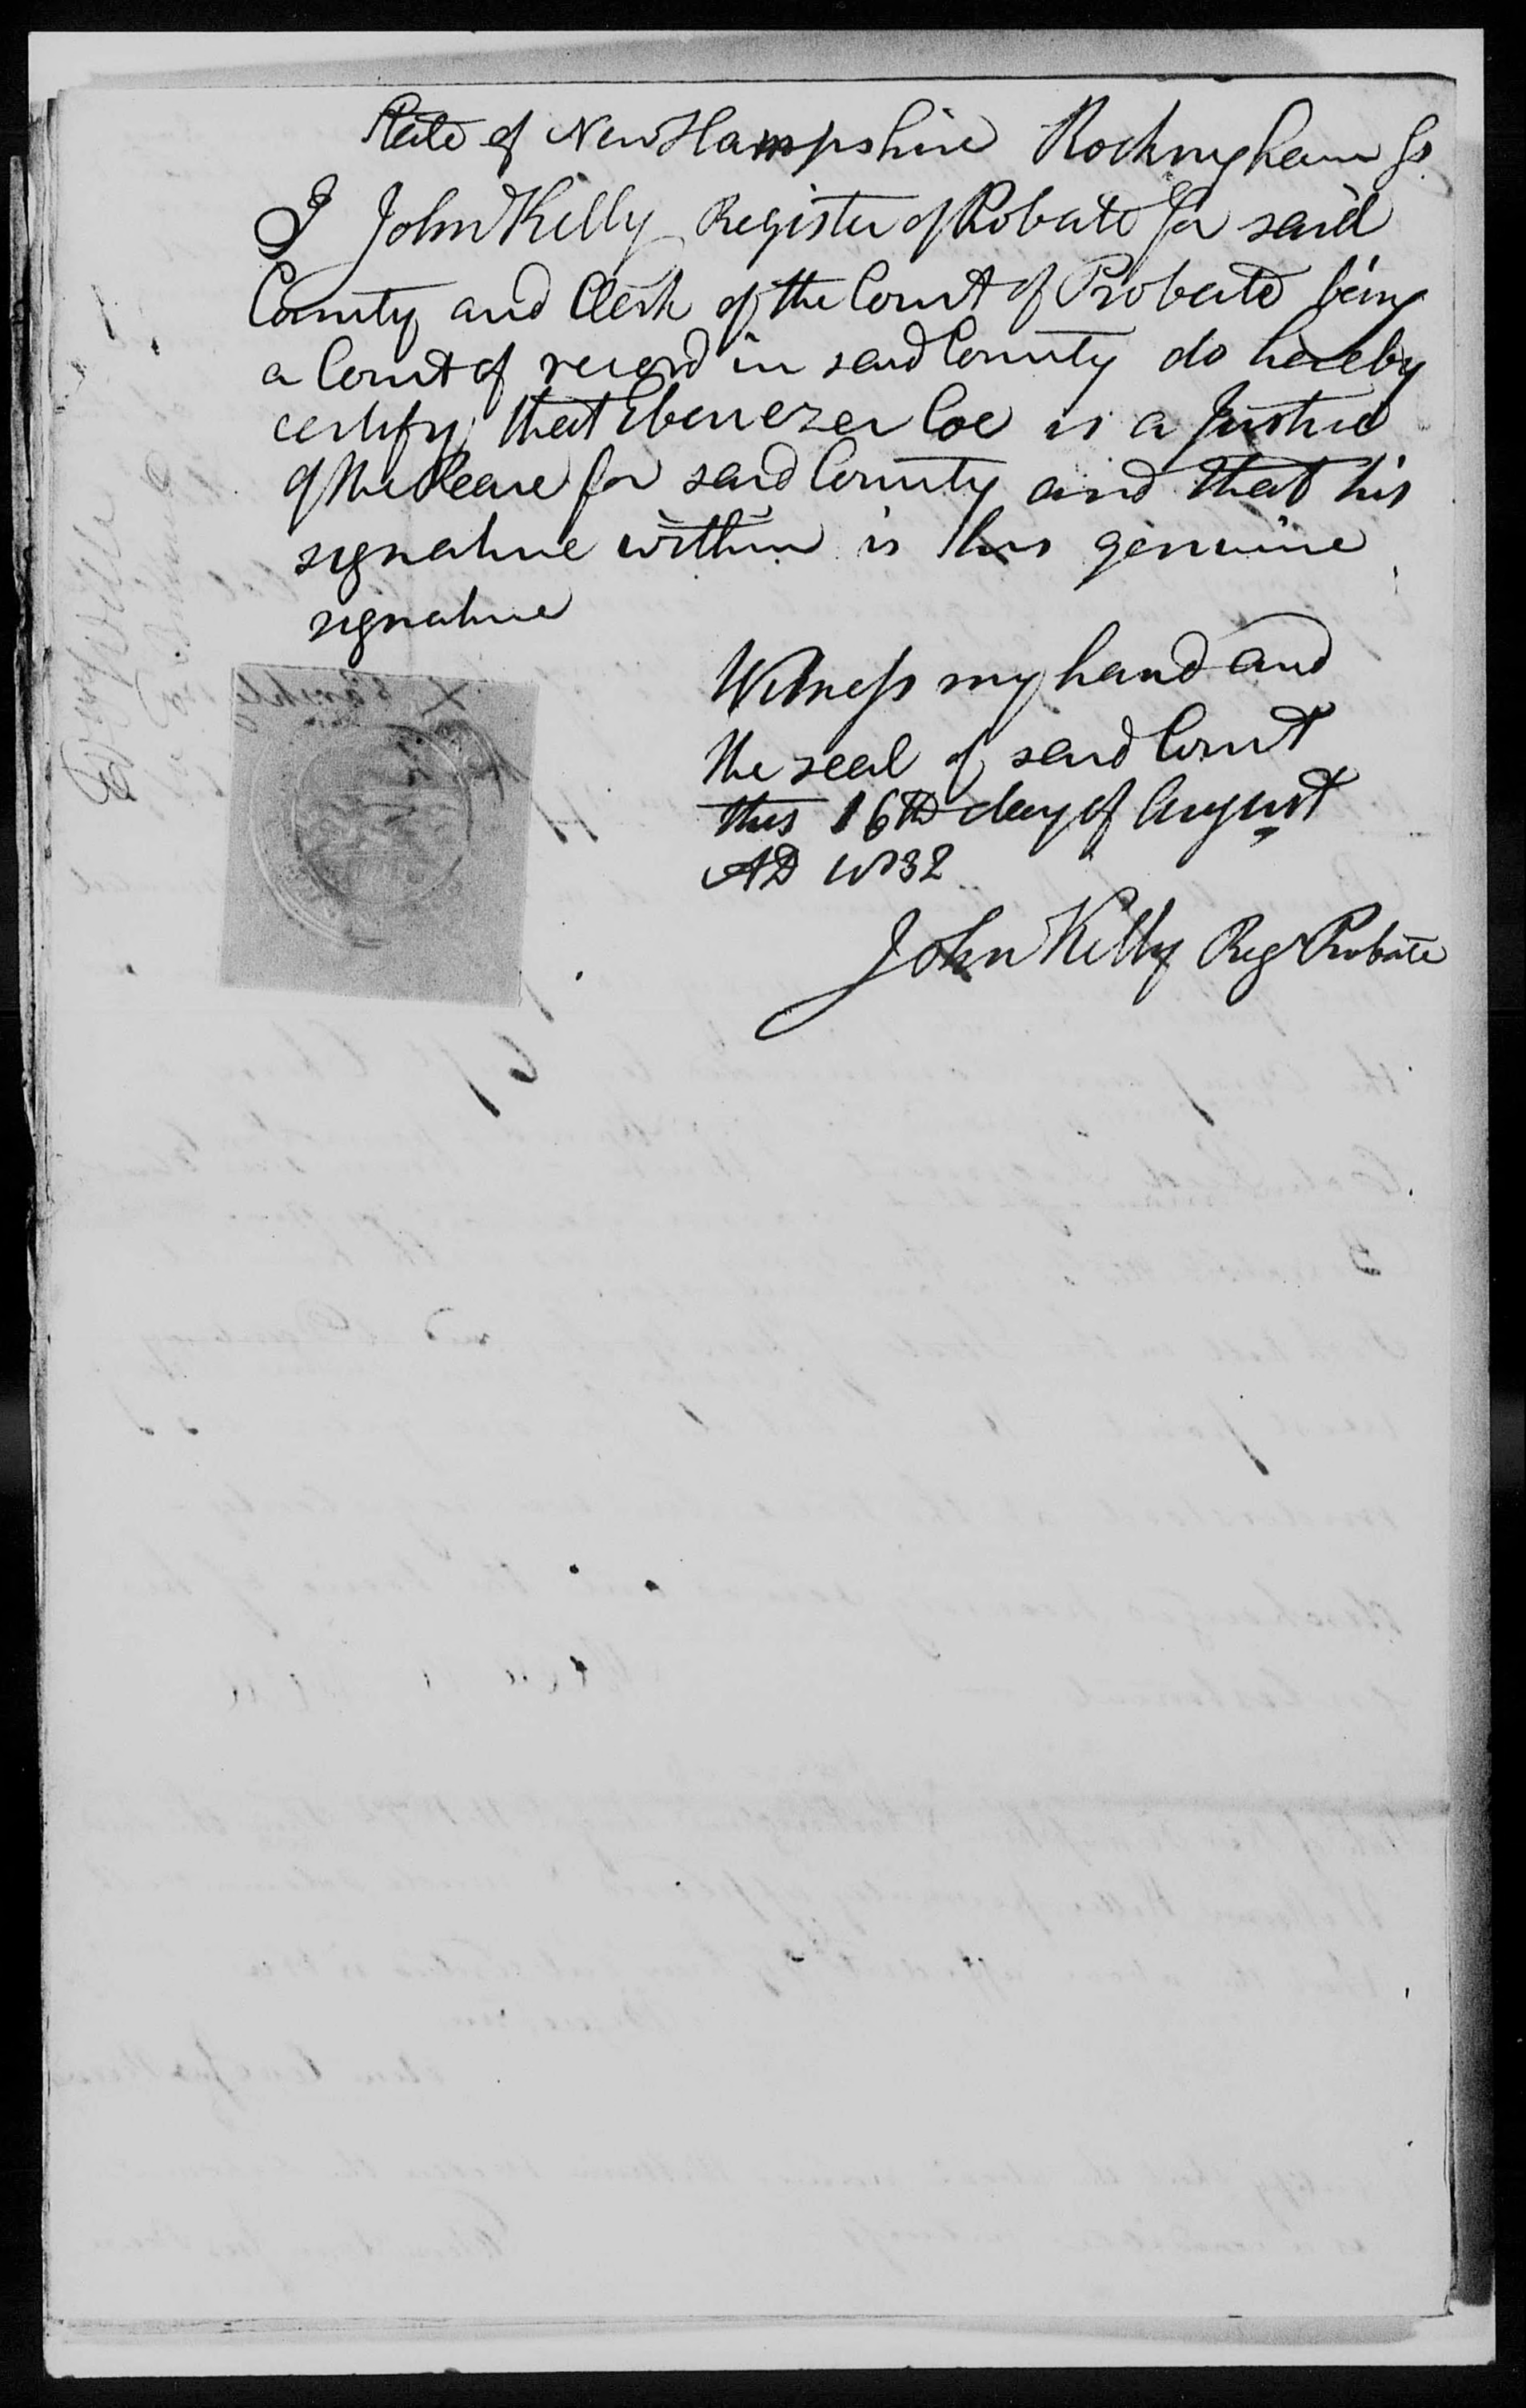State of New Hampshire Rockingham ss
I John Kelly Register of Probate for said
County and Clerk of the Court of Probate being
a Court of record in said County do hereby
certify that Ebenezer Coe is a Justice of the 
Peace for said County and that his signature within is his genuine signature
Witness my hand and
the seal of said Court
this 16th day of August
AD 1832
John Kelly Regr Probate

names: John Kelly, Ebenezer Coe, John Kelly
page: 38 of 43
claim: widow's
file: W. 21665, Ebenezer Bennett, N. H. Privateer.